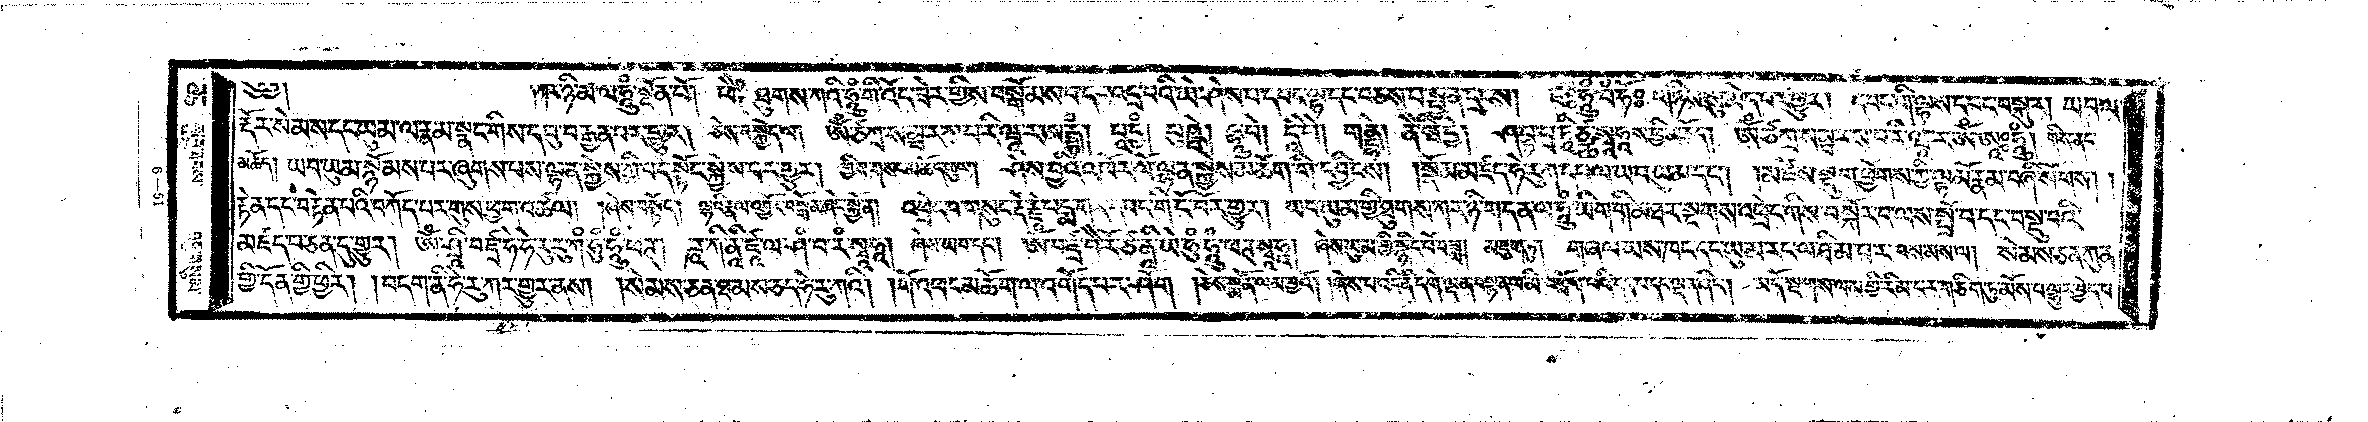༄༅། །ཀད་ཉི་མ་ལ་ཧཱུཾ་སྔོན་པོ། ཕཻཾ༑ ཐུགས་ཀའི་ཧཱུཾ་གི་འོད་ཟེར་གྱིས་བསྒོམས་པ་དང་འབྲ་བའི་ཡེ་ཤེས་པ་དབང་ལྷ་དང་བཅས་པ་སྤྱན་དྲངས། ཛཿཧཱུཾ་བཾ་ཧོཿ གཉིས་སུ་མེད་པར་གྱུར། དབང་གི་ལྷས་དབང་བསྐུར། ཡབ་ལ་
རྡོར་སེམས་དང་ཡུམ་ལ་རྣམ་སྣང་གི་དབུ་བརྒྱན་པར་གྱུར། ཅེས་བསྐྱེད་ལ། ཨོཾ་ཙོ་ཀྲ་སམྦྷ་ར་ས་པ་རི་ཝཱ་ར་ཨརྒྷཾ། པཱདྱཾ། པུཥྤེ། དྷཱུ་པེ། དཱི་པེ། དཱི་པེ། གནྡྷེ། ནཻ་ཝི་དྱེ། ཤཔྟ་པྲ་ཏཱིཙྪ་སྲཱ་རས་ཕྱི་མཆོད། ཨོཾ་ཙཀྲ་སམྦ་ར་ས་པ་རི་ཝཱ་ར་ཨོཾ་ཨཱཿཧཱུཾ། གིས་ནང་
མཆོད། ཡབ་ཡུམ་སྙོམས་པར་ཞུགས་པས་ལྷན་སྐྱེས་ཀྱི་བདེ་སྟོང་སྐྱེས་པར་གྱུར། བྱིས་གསང་མཆོད་ཕུལ།  ཤེས་བྱའི་འཁོར་ལོ་ལྷན་སྐྱེས་མཆོག་གི་དབྱིངས། །སྡོམ་མཛད་ཧེ་རུ་ཀ་དཔལ་ཡབ་ཡུམ་དང་། མཛེས་སྡུག་ཕྱོགས་ཀྱི་ལྷ་མོ་རྣམ་བཞི་སོགས། །
རྟེན་དང་བརྟེན་པའི་བཀོད་པར་གུས་ཕྱག་འཚལ། །ཞེས་བསྟོད། ལྷའི་རྣལ་འབྱོར་བསྒོམ་ཞིང་སྐྱོན།  འཕྲེང་བ་གསུང་རྡོ་རྗེ་པདམ་གར་དབང་གི་ངོ་བོར་གྱུར། ཕབ་ཡུམ་གྱི་ཐུགས་ཀར་ཉི་གདན་ལ་ཧཱུཾ་ཡིག་གི་མཐར་སྔགས་འཕྲེང་གིས་བསྐོར་བ་ལས་སྤྲོ་བ་དང་བསྡུ་བའི་
མཛད་བ་ཅན་དུ་གྱུར། ཨོཾ་ཤྲཱི་བཛྲ་ཧེ་ཧེ་རུ་རུ་ཀཾ་ཧཱུཾ་ཧཱུཾ་ཕཊ། ཌཱ་ཀི་ནཱི་ཛཱ་ལ་ཤཾ་བ་རཾ་སྭཱཧཱ། ཞེས་ཡབ་དང་།  ཨོཾ་བཛྲ་བཻ་རོ་ཙནཱི་ཡེ་ཧཱུཾ་ཧཱུཾ་ཕཊ་སྭཱཧཱ། ཞེས་ཡུམ་གྱི་སྙིང་པོ་བཟླ། མཇུག་ཏུ།  གཞལ་ཡས་ཁང་དང་ཡུམ་རང་ལ་ཐིམ་པར་བསམས་ལ།  སེམས་ཅན་ཀུན་
གྱི་དོན་གྱི་ཕྱིར། །བདག་ནི་ཧེ་རུ་ཀར་གྱུར་ནས། །སེམས་ཅན་ཐམས་ཅད་ཧེ་རུ་ཀའི། །གོ་འཕང་མཆོག་ལ་འགོད་པར་ཤོག་།ཅེས་སྨོན་ལམ་བྱའོ། །ཞེས་པའི་ནི་དགེ་ལྡན་བསྟན་པ་མི་འཕྲོག་པའི་དད་པ་དང་ལྡན་ཞིང་། མདོ་སྔགས་ལམ་གྱི་རིམ་པར་གཅིག་ཏུ་མོས་བ་ལྷུར་བྱེད་པ